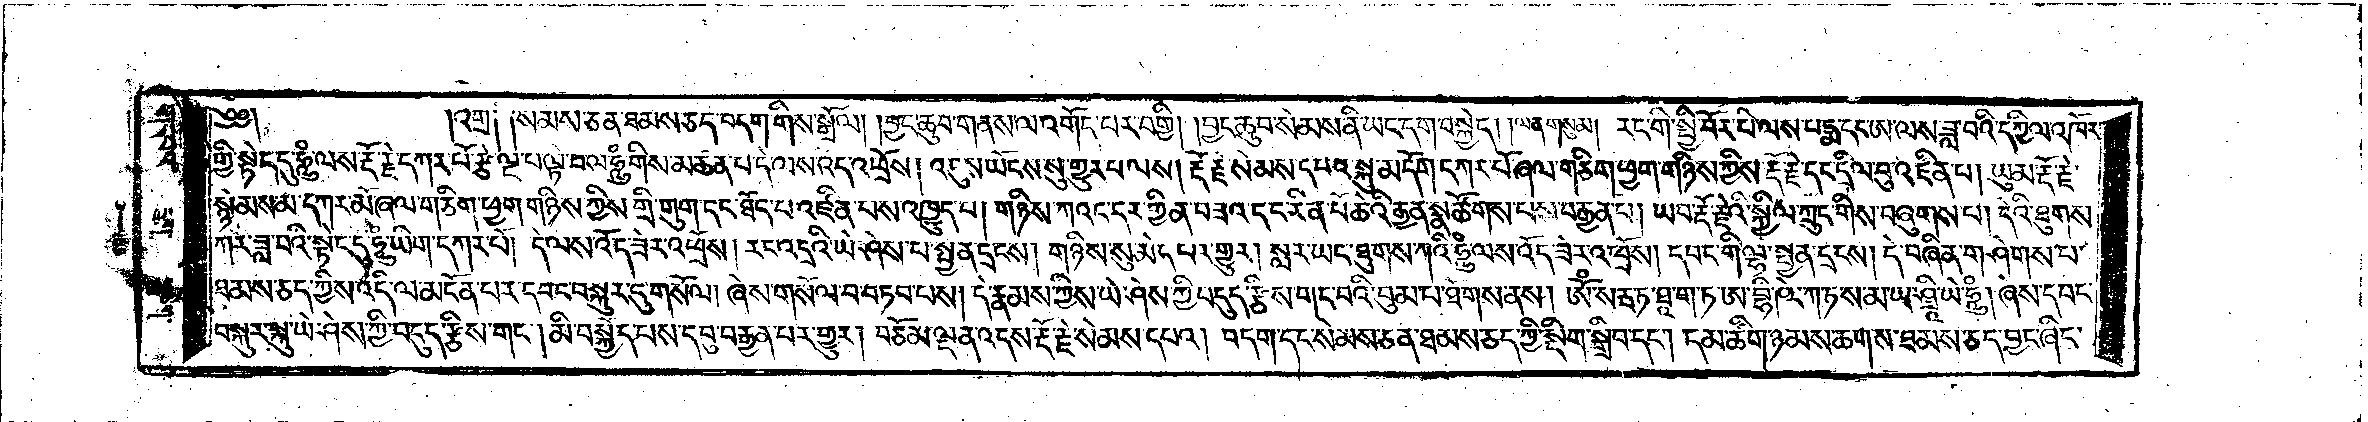༄༅། །འགྲ༑ ༑སེམས་ཅན་ཐམས་ཅད་བདག་གིས་སྒྲོལ། །བྱང་ཆུབ་གནས་ལ་འགོད་པར་བགྱི། །བྱང་ཆུབ་སེམས་ནི་ཡང་དག་བསྐྱེད། །ལན་གསུམ།  རང་གི་སྤྱི་བོར་པི་ལས་པདམ་དང་ཨ་ལས་ཟླ་བའི་དཀྱིལ་འཁོར་
གྱི་སྟེང་དུ་ཧཱུཾ་ལས་རྡོ་རྗེ་དཀར་པོ་རྩེ་ལྔ་པ་ལྟེ་བ་ལ་ཧཱུཾ་གིས་མཚན་པ་དེ་ལས་འོད་འཕྲོས། །འདུས་ཡོང་སུ་གྱུར་པ་ལས། རྡོ་རྗེ་སེམས་དཔའ་སྐུ་མདོག་དཀར་པོ་ཞལ་གཅིག་ཕྱག་གཉིས་ཀྱིས་རྡོ་རྗེ་དང་དྲིལ་བུ་འཛིན་པ། ཡུམ་རྡོ་རྗེ་
སྙེམས་མ་དཀར་མོ་ཞལ་གཅིག་ཕྱག་གཉིས་ཀྱིས་གྲི་གུག་དང་ཐོད་པ་འཛིན་པས་འཁྱུད་པ། གཉིས་ཀའང་དར་གྱི་ན་བཟའ་དང་རིན་པོ་ཆེའི་རྒྱན་སྣ་ཚོགས་པས་བརྒྱན་པ། ཡབ་རྡོ་རྗེའི་སྐྱིལ་ཀྲུང་གིས་བཞུགས་པ། དེའི་ཐུགས་
ཀར་ཟླ་བའི་སྟེང་དུ་ཧཱུཾ་ཡིག་དཀར་པོ། དེ་ལས་འོད་ཟེར་འཕྲོས། རང་འདྲའི་ཡེ་ཤེས་པ་སྤྱན་དྲངས། གཉིས་སུ་མེད་པར་གྱུར། སླར་ཡང་ཐུགས་ཀའི་ཧཱུཾ་ལས་འོད་ཟེར་འཕྲོས། དབང་གི་ལྷ་སྤྱན་དྲངས། དེ་བཞིན་གཤེགས་པ་
ཐམས་ཅད་ཀྱིས་འདི་ལ་མངོན་པར་དབང་བསྐུར་དུ་གསོལ། ཞེས་གསོལ་བ་བཏབ་པས། དེ་རྣམས་ཀྱིས་ཡེ་ཤེས་ཀྱི་བདུད་རྩིས་གང་པའི་བུམ་པ་ཐོགས་ནས། ཨོཾ་སརྦ་ཏ་ཐཱ་ག་ཏ་ཨ་བྷི་ཥེ་ཀ་ཏ་ས་མ་ཡ་ཤྲཱི་ཡེ་ཧཱུཾ། ཞེས་དབང་
བསྐུར་སྐུ་ཡེ་ཤེས་ཀྱི་བདུད་རྩིས་གང་། མི་བསྐྱོད་པས་དབུ་བརྒྱན་པར་གྱུར། བཅོམ་ལྡན་འདས་རྡོ་རྗེ་སེམས་དཔའ། བདག་དང་སེམས་ཅན་ཐམས་ཅད་ཀྱི་སྡིག་སྒྲིབ་དང་། དམ་ཚིག་ཉམས་ཆགས་ཐམས་ཅད་བྱང་ཞིང་